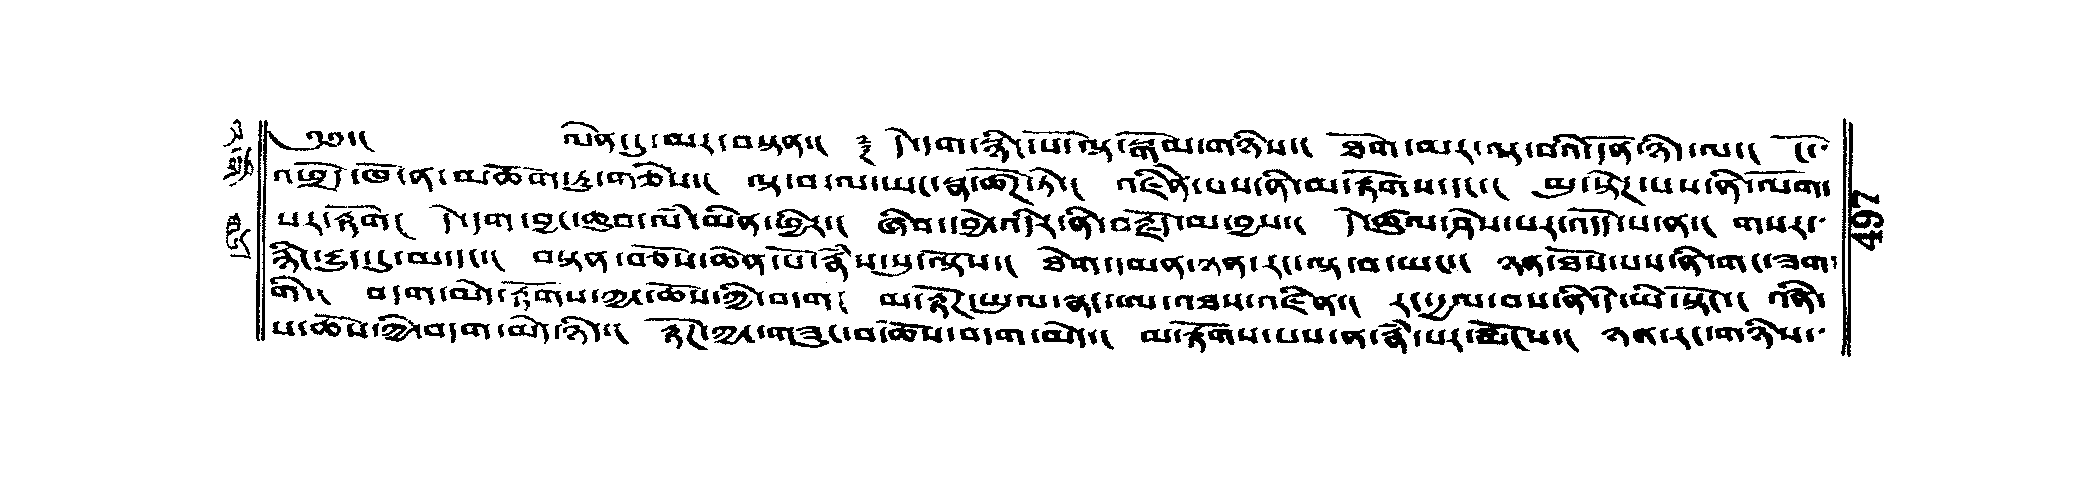ལེན་དུ་མར་བསྟན། ༈ དེ་དག་སྙིང་པོ་ལྟ་སྒོམ་གཉིས། །ཐོག་མར་ལྟ་བའི་དོན་ཉིད་ལ། །ངོ་
འཕྲོད་ཁོ་ན་མཆོག་ཏུ་གཅེས། །ལྟ་བ་ལ་ཡང་སྣ་ཚོགས་ཏེ། །འཇིག་རྟེན་པས་ནི་མ་རྟོགས་དང་། །མུ་སྟེགས་པས་ནི་ལོག་
པར་རྟོག །དེ་དག་བྱང་ཆུབ་ལམ་མིན་ཕྱིར། །ཞིབ་དབྱེ་འདིར་ནི་བརྗོད་མ་བྱས། །དེ་ཚུལ་ཤེས་པར་འདོད་པ་ན། །གསར་
རྙིང་མདོ་རྒྱུད་དུ་མ་དང་། །བསྟན་བཅོས་ཆེན་པོ་རྣམས་སུ་ལྟོས། །ཐེག་དམན་ཉན་རང་ལྟ་བ་ཡང་། །ཉན་ཐོས་པས་ནི་གང་ཟག་
གི །བདག་མེད་རྟོགས་ཀྱང་ཆོས་ཀྱི་བདག །མ་རྟོགས་ཡུལ་སྣང་ཨ་འཐས་འཛིན། །རང་རྒྱལ་བས་ནི་དེ་ཡི་སྟོང་། །འཛིན་
པ་ཆོས་ཀྱི་བདག་མེད་ཉིད། །རྟོགས་ཀྱང་གཟུང་བ་ཆོས་བདག་མེད། །མ་རྟོགས་པས་ན་རྣམ་པར་རྨོངས། །ཉན་རང་གཉིས་